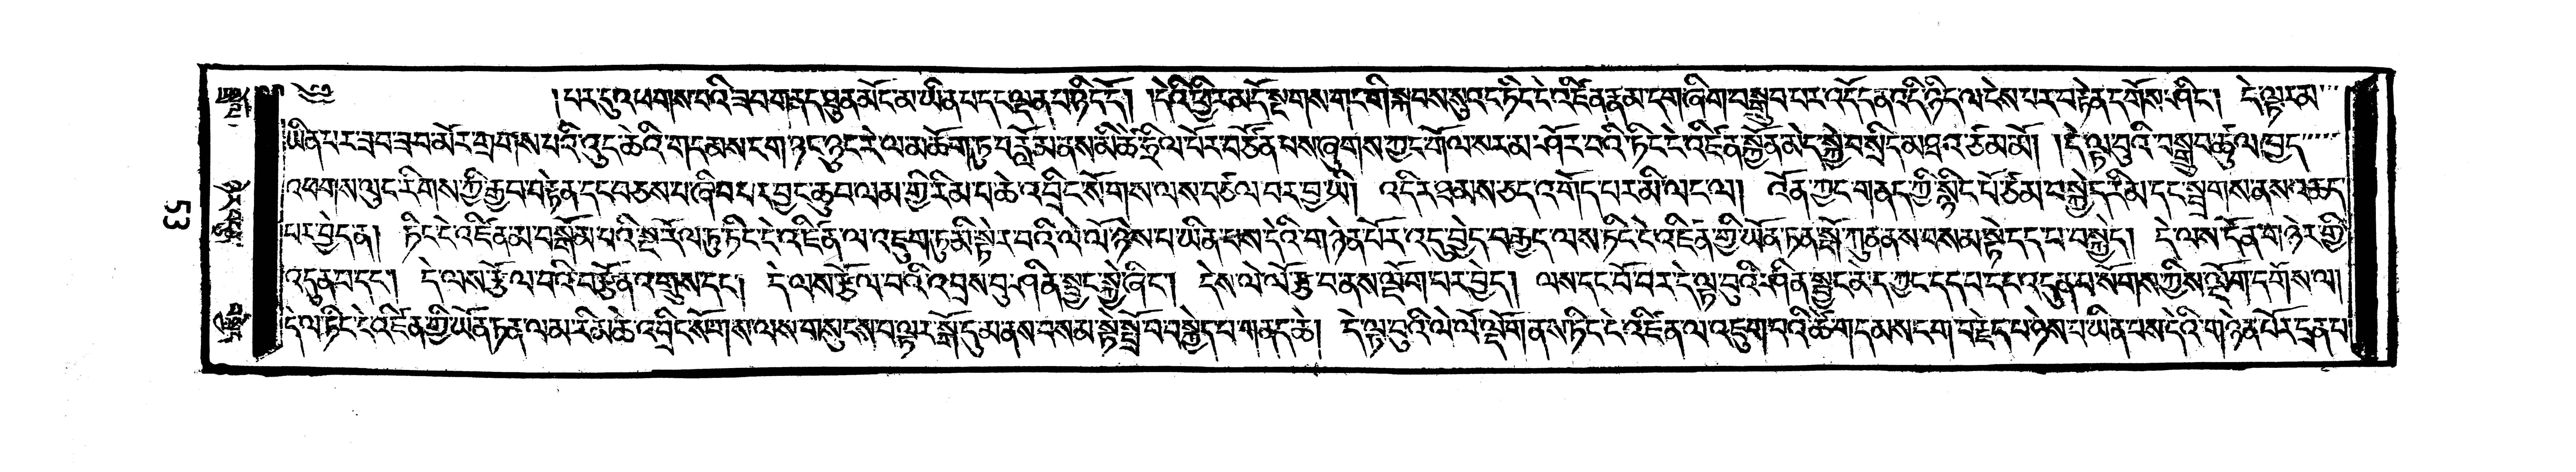༄༅། །པར་དུ་འཕགས་པའི་ཟབ་གནད་ཐུན་མོང་མ་ཡིན་པ་དང་ལྡན་པ་ཉིད་དོ། །དེའི་ཕྱིར་མདོ་སྔགས་གང་གི་སྐབས་སུའང་ཏིང་ངེ་འཛིན་རྣམ་དེ་གཅིག་བསྒྲུབ་པར་འདོད་ན་འདི་ཉིད་ལ་ངེས་པར་བརྟེན་དགོས་ཤིང་། དེ་ལྟར་མ་
ཡིན་པར་ཟབ་ཟབ་མོར་གྲགས་པའི་འུད་ཆེའི་གདམས་ངག་ཉུང་ཉུང་རེ་ལ་མཆོག་ཏུ་བརློམ་ནས་མི་ཚེ་ཧྲིལ་པོར་བརྩོན་པས་ཞུགས་ཀྱང་གོལ་སར་མ་ཤོར་པའི་ཏིང་ངེ་འཛིན་སྐྱོན་མེད་སྐྱེ་བ་སྲིད་མཐའ་ཙམ་མོ། །དེ་ལྟ་བུའི་བསྒྲུབ་ཚུལ་ཁྱད་
འཕགས་ལུང་རིགས་ཀྱི་རྒྱབ་རྟེན་དང་བཅས་པ་ཞིབ་པར་བྱང་ཆུབ་ལམ་གྱི་རིམ་པ་ཆེ་འབྲིང་སོགས་ལས་བཙལ་བར་བྱ་ཡི། འདིར་ཐམས་ཅད་འགོད་པར་མི་ལང་ལ། འོན་ཀྱང་གནད་ཀྱི་སྙིང་པོ་ཙམ་བསྐྱེད་རིམ་དང་སྦྲགས་ནས་འཆད་
པར་བྱེད་ན། ཏིང་ངེ་འཛིན་མ་བསྒོམ་པའི་སྔ་རོལ་ཏུ་ཏིང་ངེ་འཛིན་ལ་འཇུག་ཏུ་མི་སྟེར་བའི་ལེ་ལོ་ཉེས་པ་ཡིན་པས་དེའི་གཉེན་པོར་འདུ་བྱེད་བརྒྱད་ལས་ཏིང་ངེ་འཛིན་གྱི་ཡོན་ཏན་སྒོ་ཀུན་ནས་བསམ་སྟེ་དད་པ་བསྐྱེད། དེ་ལས་དོན་གཉེར་གྱི་
འདུན་པ་དང་། དེ་ལས་རྩོལ་བའི་བརྩོན་འགྲུས་དང་། དེ་ལས་རྩོལ་བའི་འབྲས་བུ་ཤིན་སྦྱངས་སྐྱེ་ཞིང་། དེས་ལེ་ལོ་རྩ་བ་ནས་ལྡོག་པར་བྱེད། ལས་དང་པོ་པར་དེ་ལྟ་བུའི་ཤིན་སྦྱངས་མེད་ཀྱང་དད་པ་དང་འདུན་པ་སོགས་ཀྱིས་ལྡོག་དགོས་ལ།
དེ་ལ་ཏིང་ངེ་འཛིན་གྱི་ཡོན་ཏན་ལམ་རིམ་ཆེ་འབྲིང་སོགས་ལས་གསུངས་པ་ལྟར་སྒོ་དུ་མ་ནས་བསམ་སྟེ་སྤྲོ་བ་བསྐྱེད་པ་གནད་ཆེ། དེ་ལྟ་བུའི་ལེ་ལོ་ལྡོག་ནས་ཏིང་ངེ་འཛིན་ལ་འཇུག་པའི་ཚེ་གདམས་ངག་བརྗེད་པ་ཉེས་པ་ཡིན་པས་དེའི་གཉེན་པོར་དྲན་པ་